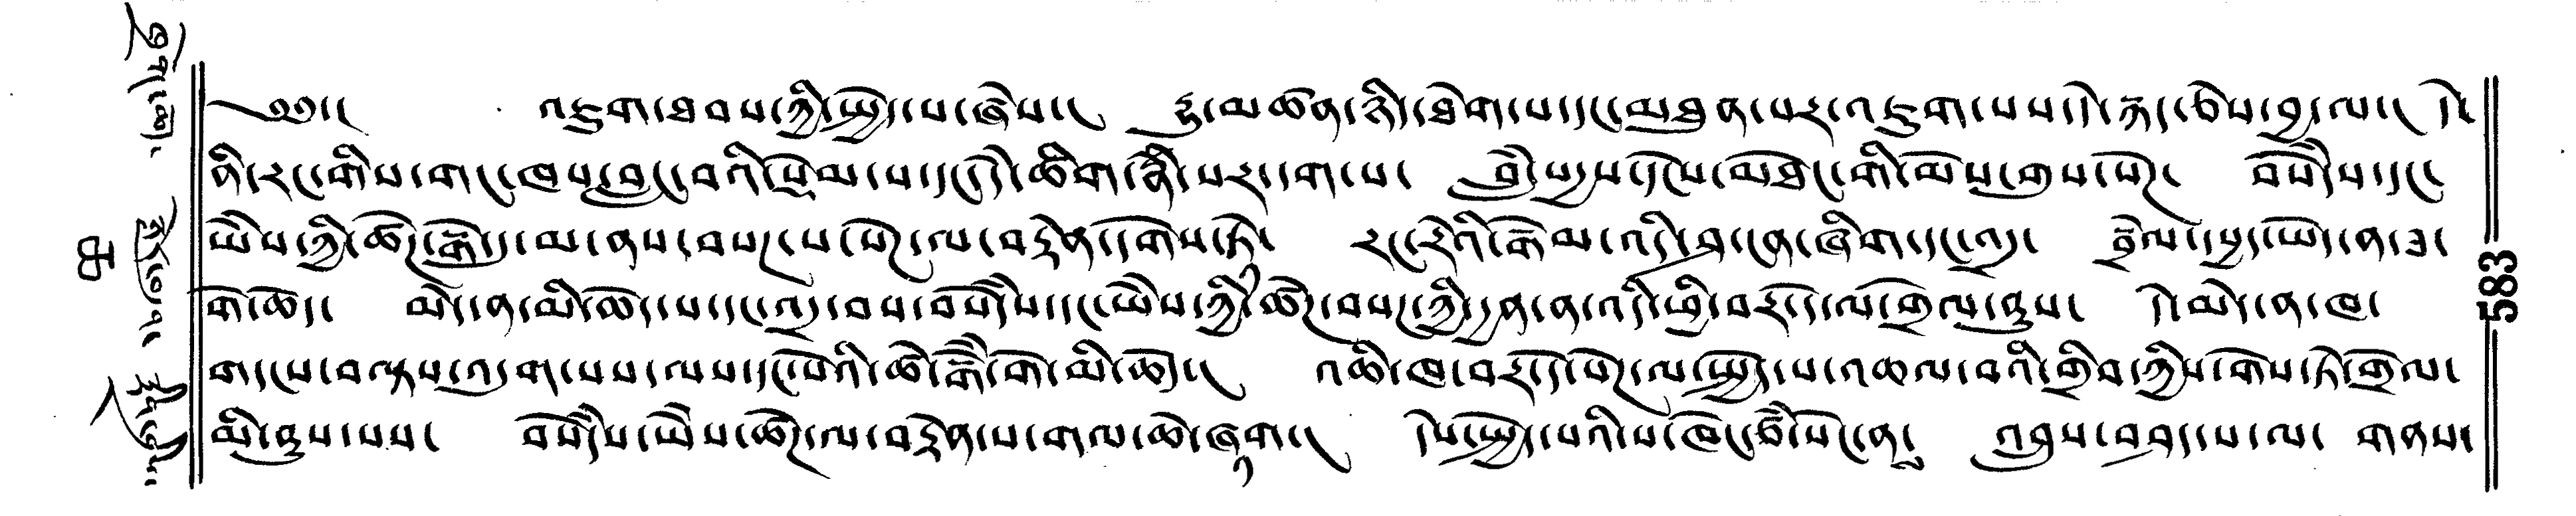འཇུག་ཐབས་ཀྱི་སྤྱོད་པ་ཞེས། རྒྱུ་མཚན་ཉིད་ཐེག་པ་དང་མཐུན་པར་འཇུག་པས་དེ་སྐད་ཅེས་བྱ་ལ། དེ་
ནི་རང་གི་གང་ཁས་བླངས་བའི་སྡོམ་པ་དང་དམ་ཚིག་རྣམ་པར་དག་པ། བླ་མ་སངས་རྒྱས་དངོས་མཐོང་མོས་གུས་སོགས། བསོད་ནམས་དང་
ཡེ་ཤེས་ཀྱི་ཚོགས་སྒོ་དུ་མ་ནས་གསོག་པ་སོགས་ལ་བརྟེན་དགོས་ཏེ། རང་རེའི་སྒོམ་འདི་ཤ་ངན་ཞིག་དང་འདྲ། སྦྲེལ་དཔྱད་ཡོད་ན་ཟ་
གོ་ཆོད། མེད་ན་མི་ཆོད་པ་དང་འདྲ་བས་བསོད་ནམས་དང་ཡེ་ཤེས་ཀྱི་ཚོགས་བསགས་ཀྱི་བརྒྱན་ན་འདི་ཕྱི་བར་དོ་ལ་གྲོལ་ནུས། དེ་མེད་ན་ཁ་
གདངས་བལྟས་འདུག་པས་ལས་དང་པོའི་ཚེ་སྒོམ་གོ་མི་ཆོད། འཆི་ཁ་བར་དོ་སོགས་ལ་སྤྱོད་པ་འཆལ་བའི་གྲིབ་ཀྱིས་གོས་ཏེ་གྲོལ་
མི་ནུས་པས། བསོད་ནམས་ཡེ་ཤེས་ཚོགས་ལ་བརྟེན་པ་གལ་ཆེ་ཞག་གཅིག དེས་སྤྱོད་པའི་ས་ཁོངས་ཙམ་སོང་ནས། འབྲས་བུ་བཤད་པ་ལ། གནས་